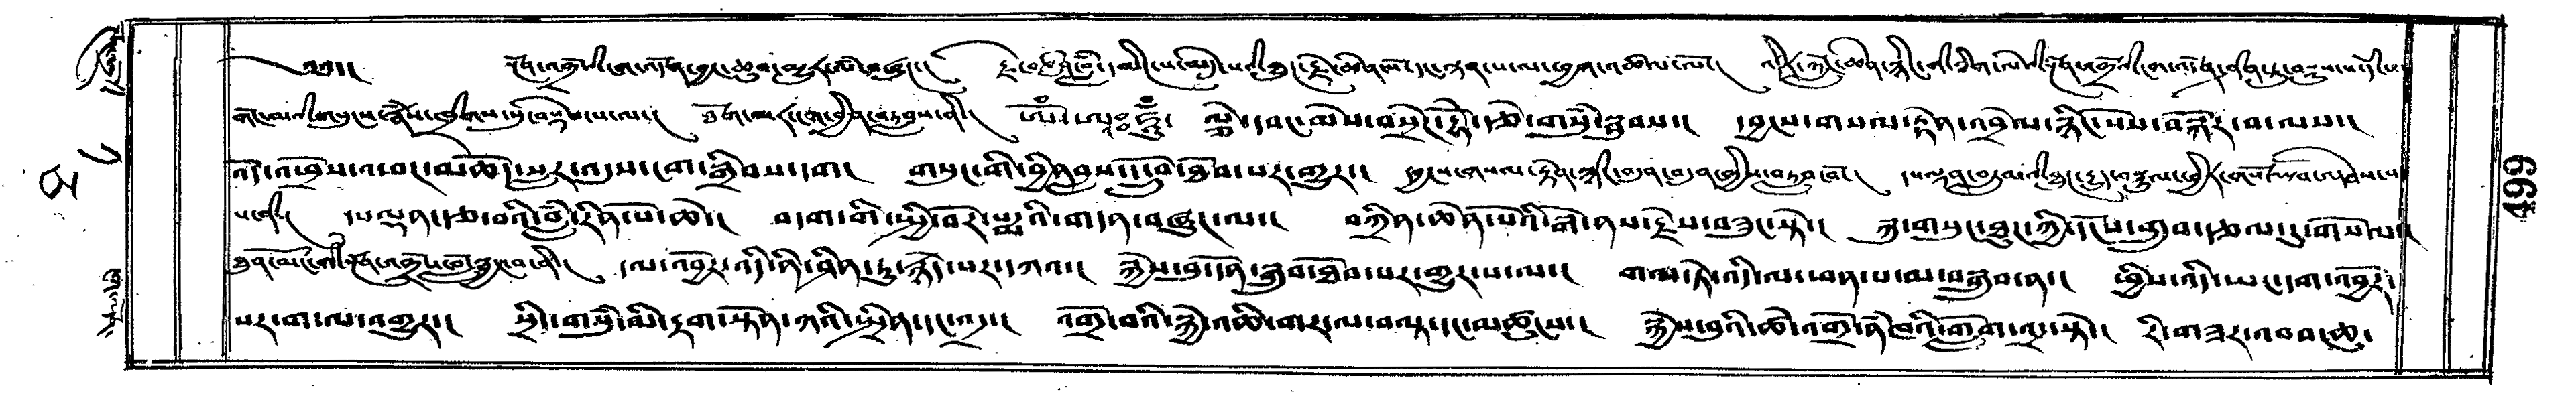༄༅། སྔོན་འགྲོའི་ངག་འདོན་བྱང་ཆུབ་མྱུར་ལམ་བཞུགས། རྗེ་བཙུན་བླ་མ་དམིགས་པ་མེད་པའི་ཐུགས་རྗེ་ཆེན་པོ་དང་ལྡན་པ་ལ་ཕྱག་འཚལ་ལོ། འདིར་ཀློང་ཆེན་སྙིང་གི་ཐིག་ལེའི་སྔོན་འགྲོའི་ངག་འདོན་ཤིན་ཏུ་བསྡུས་པ་དམ་པ་
གོང་མའི་གསུང་རྣམས་ཁྲིགས་སུ་བསྡེབ་པ་ལ། ཐོག་མར་ངག་བྱིན་རླབས་ནི། ཨོཾ་ཨཱཿཧཱུྃ། ལྕེ་དབང་མེས་བསྲེགས་རྡོ་རྗེ་རྩེ་གསུམ་སྦུབས། །དབྱངས་གསལ་རྟེན་འབྲེལ་སྙིང་པོས་བསྐོར་བ་ལས། །
འོད་འཕྲོས་འཕགས་མཆོད་སླར་འདུས་ངག་སྒྲིབ་དག །གསུང་གི་བྱིན་རླབས་དངོས་གྲུབ་ཐོབ་པར་གྱུར། དབྱངས་གསལ་རྟེན་སྙིང་བདུན་བདུན་གྱི་བརླབ་བོ། དཔལ་ལྡན་བླ་མའི་ཐུགས་རྒྱུད་བསྐུལ་ཕྱིར་གསོལ་བ་འདེབས་པ་
ནི། དཔལ་ལྡན་རྩ་བའི་བླ་མ་རིན་པོ་ཆེ། །བདག་གི་སྤྱི་བོར་པདྨའི་གདན་བཞུགས་ལ། །བཀའ་འདྲིན་ཆེན་པོའི་སྒོ་ནས་རྗེས་བཟུང་སྟེ། །སྐུ་གསུང་ཐུགས་ཀྱི་དངོས་གྲུབ་བསྩལ་དུ་གསོལ། 
ཐུན་མོང་གི་སྔོན་འགྲོས་བློ་སྦྱོང་བ་ནི། དལ་འབྱོར་འདི་ནི་ཤིན་ཏུ་རྙེད་པར་དཀའ། །སྐྱེས་བུའི་དོན་གྲུབ་ཐོབ་པར་གྱུར་པ་ལ། །གལ་ཏེ་འདི་ལ་ཕན་པ་མ་བསྒྲུབ་ན། །ཕྱིས་འདི་ཡང་དག་འབྱོར་
པར་ག་ལ་འགྱུར། །སྲིད་གསུམ་མི་རྟག་སྟོན་ཀའི་སྤྲིན་དང་འདྲ། །འགྲོ་བའི་སྐྱེ་འཆི་གར་ལ་བལྟ་དང་མཚུངས། །སྐྱེས་བུའི་ཚེ་འགྲོ་ནམ་མཁའི་གློག་འདྲ་སྟེ། །རི་གཟར་འབབ་ཆུ་